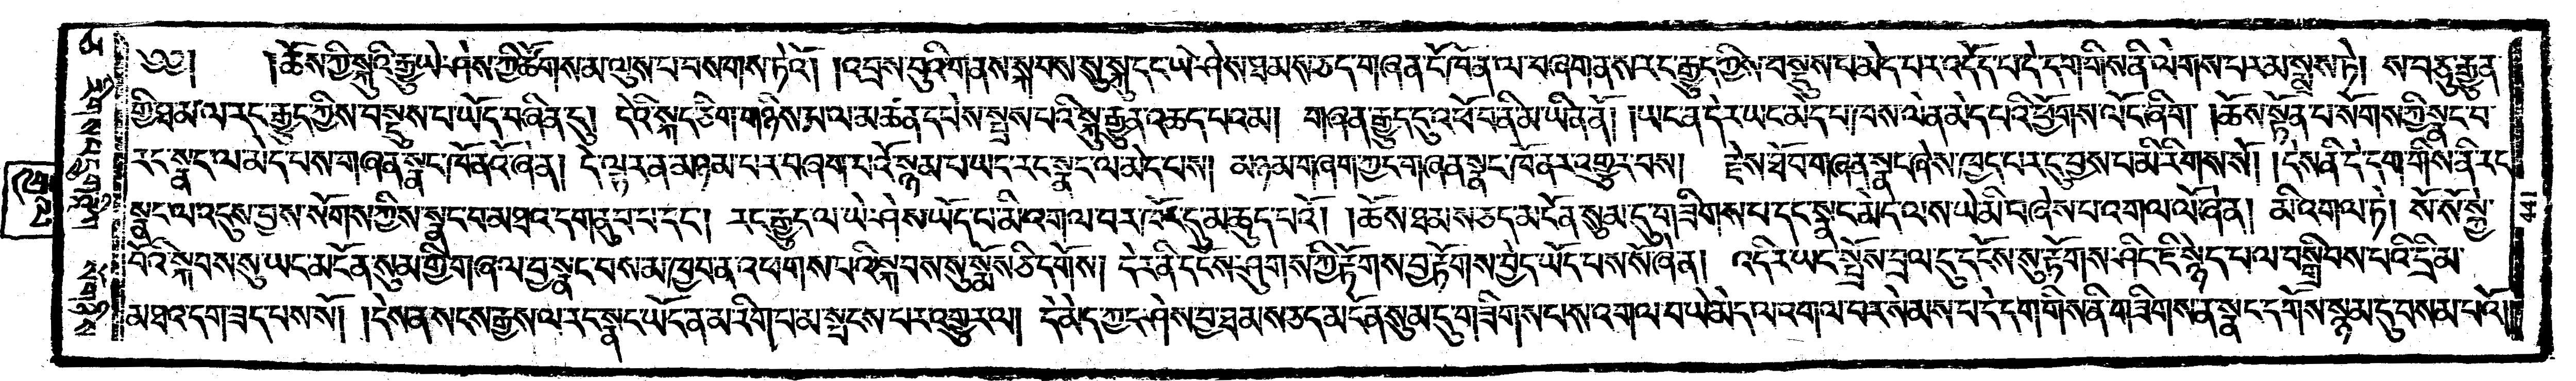༄༅། །ཆོས་ཀྱི་སྐུའི་རྒྱུ་ཡེ་ཤེས་ཀྱི་ཚོགས་མ་ལུས་པ་བསགས་ཏེའོ། །འབྲས་བུའི་གནས་སྐབས་སུ་སྐུ་དང་ཡེ་ཤེས་ཐམས་ཅད་གཞན་ངོ་ཁོ་ན་ལ་བཞག་ནས་རང་རྒྱུད་ཀྱིས་བསྡུས་པ་མེད་པར་འདོད་པ་དེ་དག་གིས་ནི་ལེགས་པར་མ་སྨྲས་ཏེ། ས་བཅུ་རྒྱུན་
གྱི་ཐ་མ་ལ་རང་རྒྱུད་ཀྱིས་བསྡུས་པ་ཡོད་བཞིན་དུ། དེའི་སྐད་ཅིག་གཉིས་པ་ལ་མཚན་དཔེས་སྤྲས་པའི་སྐུ་རྒྱུན་འཆད་པའམ། གཞན་རྒྱུད་དུ་འཕོ་བ་ནི་མ་ཡིན་ནོ། །ཡང་ན་དེར་ཡང་མེད་པ་ཁས་ལེན་མེད་པའི་ཕྱོགས་ལོང་ཞིག །ཆོས་སྟོན་པ་སོགས་ཀྱི་སྣང་བ་
རང་སྣང་ལ་མེད་པས་གཞན་སྣང་ཁོ་ནའོ་ཞེ་ན། དེ་ལྟར་ན་མཉམ་པར་བཞག་པའོ་སྙམ་པ་ཡང་རང་སྣང་ལ་མེད་པས། མཉམ་གཞག་ཀྱང་གཞན་སྣང་ཁོ་ནར་འགྱུར་བས། རྗེས་ཐོབ་གཞན་སྣང་ཞེས་ཁྱད་པར་དུ་བྱས་པ་མི་རིགས་སོ། །དེས་ནི་དེ་དག་གིས་ནི་རང་
སྣང་ལ་འདུས་བྱས་སོགས་ཀྱིས་སྣང་བ་མཐའ་དག་ནུབ་པ་དང་། རང་རྒྱུད་ལ་ཡེ་ཤེས་ཡོད་པ་མི་འགལ་བར་ཁོང་དུ་མ་ཆུད་པའོ། །ཆོས་ཐམས་ཅད་མངོན་སུམ་དུ་གཟིགས་པ་དང་སྣང་མེད་ལས་ཡེ་མི་བཞེས་པ་འགལ་ལོ་ཞེ་ན། མི་འགལ་ཏེ། སོ་སོ་སྐྱེ་
བོའི་སྐབས་སུ་ཡང་མངོན་སུམ་གྱི་གཞལ་བྱ་སྣང་བས་མ་ཁྱབ་ན་འཕགས་པའི་སྐབས་སུ་སྨོས་ཅི་དགོས། དེར་ནི་དངོས་ཤུགས་ཀྱི་རྟོགས་བྱ་རྟོགས་བྱེད་ཡོད་པས་སོ་ཞེ་ན། འདིར་ཡང་སྤྲོས་བྲལ་དུ་དངོས་སུ་རྟོགས་ཤིང་ཇི་སྙེད་པ་ལ་བསྒྲིབས་པའི་དྲི་མ་
མཐའ་དག་ཟད་པས་སོ། །དེས་ན་སངས་རྒྱས་ལ་རང་སྣང་ཡོད་ན་མ་རིག་པ་མ་སྤངས་པར་འགྱུར་ལ། དེ་མེད་ཀྱང་ཤེས་བྱ་ཐམས་ཅད་མངོན་སུམ་དུ་གཟིགས་པས་འགལ་བ་ཡེ་མེད་ལ་འགལ་བར་སེམས་པ་དེ་དག་གིས་ནི་གཟིགས་ན་སྣང་དགོས་སྙམ་དུ་བསམ་པའོ།